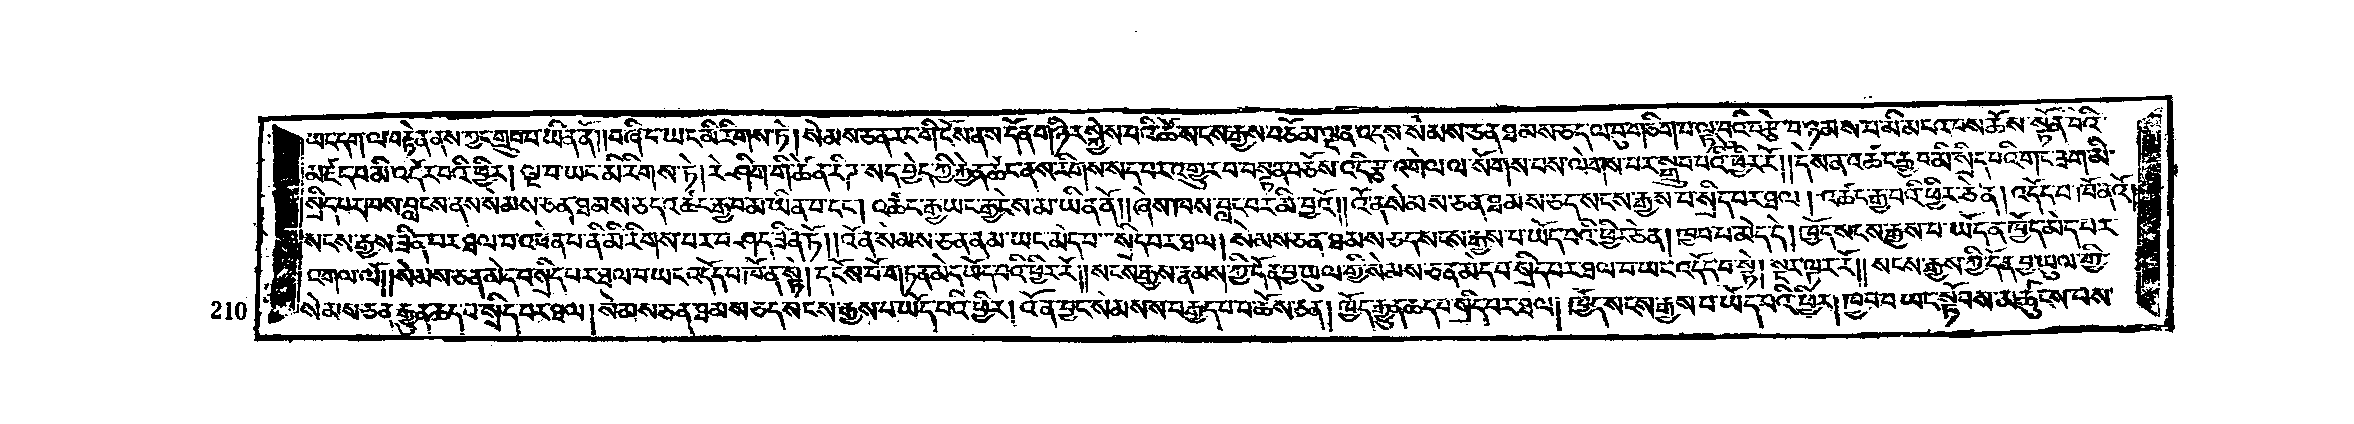ཡང་དག་ལ་བརྟེན་ནས་ཀྱང་གྲུབ་པ་ཡིན་ནོ། །བཞི་པ་ཡང་མི་རིགས་ཏེ། སེམས་ཅན་རང་གི་ངོས་ནས་དོན་གཉེར་སྐྱེས་པའི་ཚེ་སངས་རྒྱས་བཅོམ་ལྡན་འདས་སེམས་ཅན་ཐམས་ཅད་ལ་བུ་གཅིག་པ་ལྟ་བུའི་བརྩེ་བ་ཉམས་པ་མི་མངའ་བས་ཆོས་སྟོན་པའི་
མཛད་པ་མི་འདོར་བའི་ཕྱིར། ལྔ་པ་ཡང་མི་རིགས་ཏེ། རེ་ཤིག་གི་ཚེ་ན་རིགས་སད་བྱེད་ཀྱི་རྐྱེན་ཚང་ནས་རིགས་སད་པར་འགྱུར་བ་བསྟན་བཅོས་འདི་རྩ་འགྲེལ་ལ་སོགས་པས་ལེགས་པར་སྒྲུབ་པའི་ཕྱིར་རོ། །དེས་ན་འཚང་རྒྱ་བ་མི་སྲིད་པའི་གང་ཟག་མི་
སྲིད་པར་ཁས་བླངས་ནས་སེམས་ཅན་ཐམས་ཅད་འཚང་རྒྱ་བ་མ་ཡིན་པ་དང་། འཚང་རྒྱ་ཡང་རྒྱ་ངེས་མ་ཡིན་ནོ། །ཞེས་ཁས་བླང་པར་མི་བྱའོ། །འོ་ན་སེམས་ཅན་ཐམས་ཅད་སངས་རྒྱས་པ་སྲིད་པར་ཐལ། འཚང་རྒྱ་བའི་ཕྱིར་ཅེ་ན། འདོད་པ་ཁོ་ནའོ།
སངས་རྒྱས་ཟིན་པར་ཐལ་པ་འཕེན་པ་ནི་མི་རིགས་པར་བཤད་ཟིན་ཏོ། །འོ་ན་སེམས་ཅན་ནམ་ཡང་མེད་པ་སྲིད་པར་ཐལ། སེམས་ཅན་ཐམས་ཅད་སངས་རྒྱས་པ་ཡོད་པའི་ཕྱིར་ཅེ་ན། ཁྱབ་པ་མེད་དེ། ཁྱོད་སངས་རྒྱས་པ་ཡོད་ན་ཁྱོད་མེད་པར་
འགལ་ལོ། །སེམས་ཅན་མེད་པ་སྲིད་པར་ཐལ་བ་ཡང་འདོད་པ་ཁོ་ན་སྟེ། དངོས་པོ་གཏན་མེད་ཡོད་པའི་ཕྱིར་རོ། །སངས་རྒྱས་རྣམས་ཀྱི་དོན་བྱ་ཡུལ་གྱི་སེམས་ཅན་མེད་པ་སྲིད་པར་ཐལ་པ་ཡང་འདོད་པ་སྟེ། སྔར་ལྟར་རོ། །སངས་རྒྱས་ཀྱི་དོན་བྱ་ཡུལ་གྱི་
སེམས་ཅན་རྒྱུན་ཆད་པ་སྲིད་པར་ཐལ། སེམས་ཅན་ཐམས་ཅད་སངས་རྒྱས་པ་ཡོད་པའི་ཕྱིར། འོ་ན་བྱང་སེམས་བརྒྱད་པ་བ་ཆོས་ཅན། ཁྱོད་རྒྱུན་ཆད་པ་སྲིད་པར་ཐལ། ཁྱོད་སངས་རྒྱས་པ་ཡོད་པའི་ཕྱིར། ཁྱབ་པ་ཡང་སྟོབས་མཚུངས་པས་